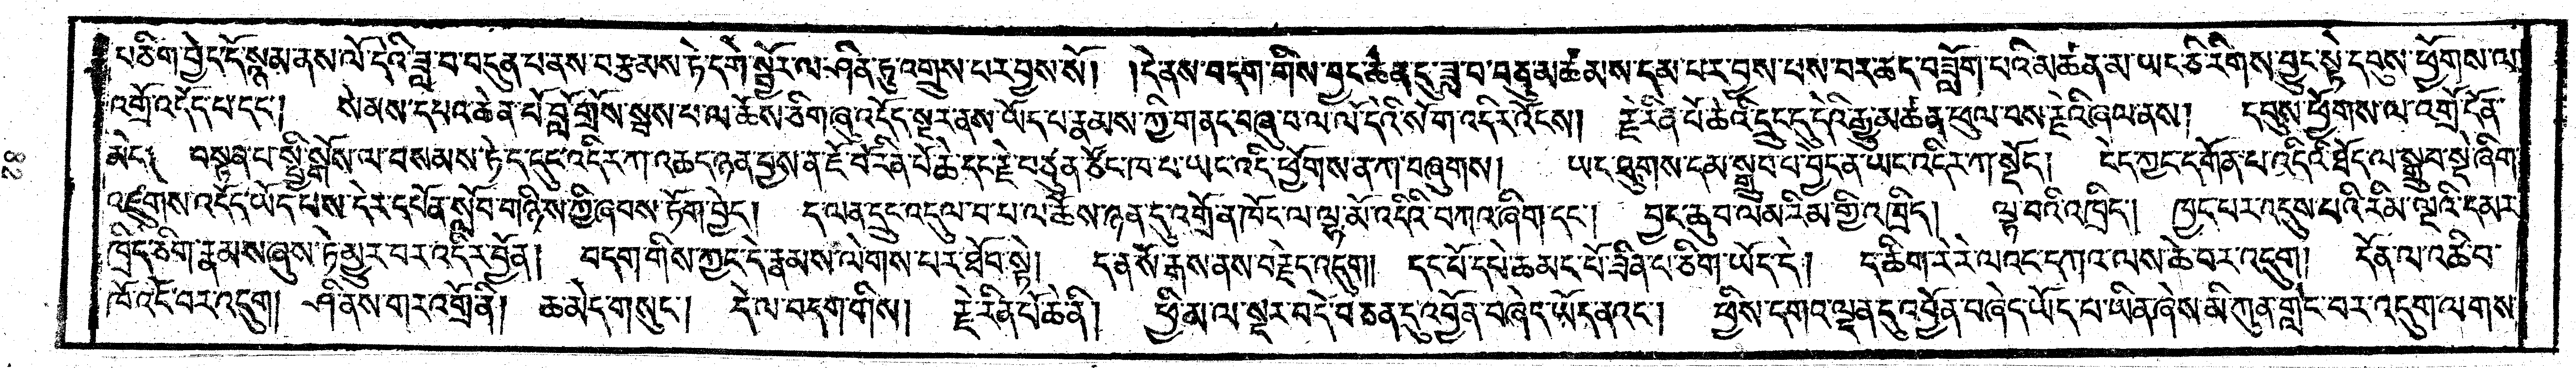པ་ཅིག་བྱེད་དོ་སྙམ་ནས་ལོ་དེའི་ཟླ་བ་བདུན་པ་ནས་བརྩམས་ཏེ་དགེ་སྦྱོར་ལ་ཤིན་ཏུ་འགྲུས་པར་བྱས་སོ། །དེ་ནས་བདག་གིས་བྱང་ཆེན་དུ་ཟླ་བ་བཅུ་མཚམས་དམ་པར་བྱས་པས་བར་ཆད་བཟློག་པའི་མཚན་མ་ཡང་ཅི་རིགས་བྱུང་སྟེ་དབུས་ཕྱོགས་ལ་
འགྲོ་འདོད་པ་དང་། སེམས་དཔའ་ཆེན་པོ་བློ་གྲོས་སྦས་པ་ལ་ཆོས་ཅིག་ཞུ་འདོད་སྔར་ནས་ཡོད་པ་རྣམས་ཀྱི་གནང་བ་ཞུ་བ་ལ་ལོ་དེའི་སོག་འདིར་འོངས། རྗེ་རིན་པོ་ཆེའི་དྲུང་དུ་དེའི་རྒྱུ་མཚན་ཕུལ་བས་རྗེའི་ཞལ་ནས། དབུས་ཕྱོགས་ལ་འགྲོ་དོན་
མེད༑ བསྟན་པ་སྤྱི་སྒོས་ལ་བསམས་ཏེ་ད་དུང་འདིར་ཀ་འཆད་ཉན་བྱས་ན་ཇོ་བོ་རིན་པོ་ཆེ་དང་རྗེ་བཙུན་ཙོང་ཁ་པ་ཡང་འདི་ཕྱོགས་ན་ཀ་བཞུགས། ཡང་ཐུགས་དམ་སྒྲུབ་པ་བྱེད་ན་ཡང་འདིར་ཀ་སྡོད། ངེད་ཀྱང་དགོན་པ་འདིའི་ཐོད་ལ་སྒྲུབ་སྡེ་ཞིག་
འཛུགས་འདོད་ཡོད་པས་དེར་དཔོན་སློབ་གཉིས་ཀྱི་ཞབས་ཏོག་བྱེད། ད་ལན་དྲུང་འདུལ་བ་པ་ལ་ཆོས་ཉན་དུ་འགྲོ་ན་ཁོང་ལ་ལྷ་མོ་འདིའི་བཀའ་ཞིག་དང་། བྱང་ཆུབ་ལམ་རིམ་གྱི་འཁྲིད། ལྟ་བའི་འཁྲིད། ཁྱད་པར་འདུས་པའི་རིམ་ལྔའི་དམར་
ཁྲིད་ཅིག་རྣམས་ཞུས་ཏེ་མྱུར་བར་འདིར་བྱོན། བདག་གིས་ཀྱང་དེ་རྣམས་ལེགས་པར་ཐོབ་སྟེ། ད་ན་སོ་རྒས་ནས་བརྗེད་འདུག། དང་པོ་དཔེ་ཆ་མང་པོ་ཟིན་པ་ཅིག་ཡོད་དེ། ད་ཚིག་རེ་རེ་ལའང་དཀའ་ལས་ཆེ་བར་འདུག། དོན་ལ་འཆི་བ་
ཁོ་འོང་བར་འདུག། ཤི་ནས་གར་འགྲོ་ནི། ཆ་མེད་གསུང་། དེ་ལ་བདག་གིས། རྗེ་རིན་པོ་ཆེ་ནི། ཕྱི་མ་ལ་སྔར་བདེ་བ་ཅན་དུ་འབྱོན་བཞེད་ཡོད་ནའང་། ཕྱིས་དགའ་ལྡན་དུ་འབྱོན་བཞེད་ཡོད་པ་ཡིན་ཞེས་མི་ཀུན་གླེང་བར་འདུག་ལགས་